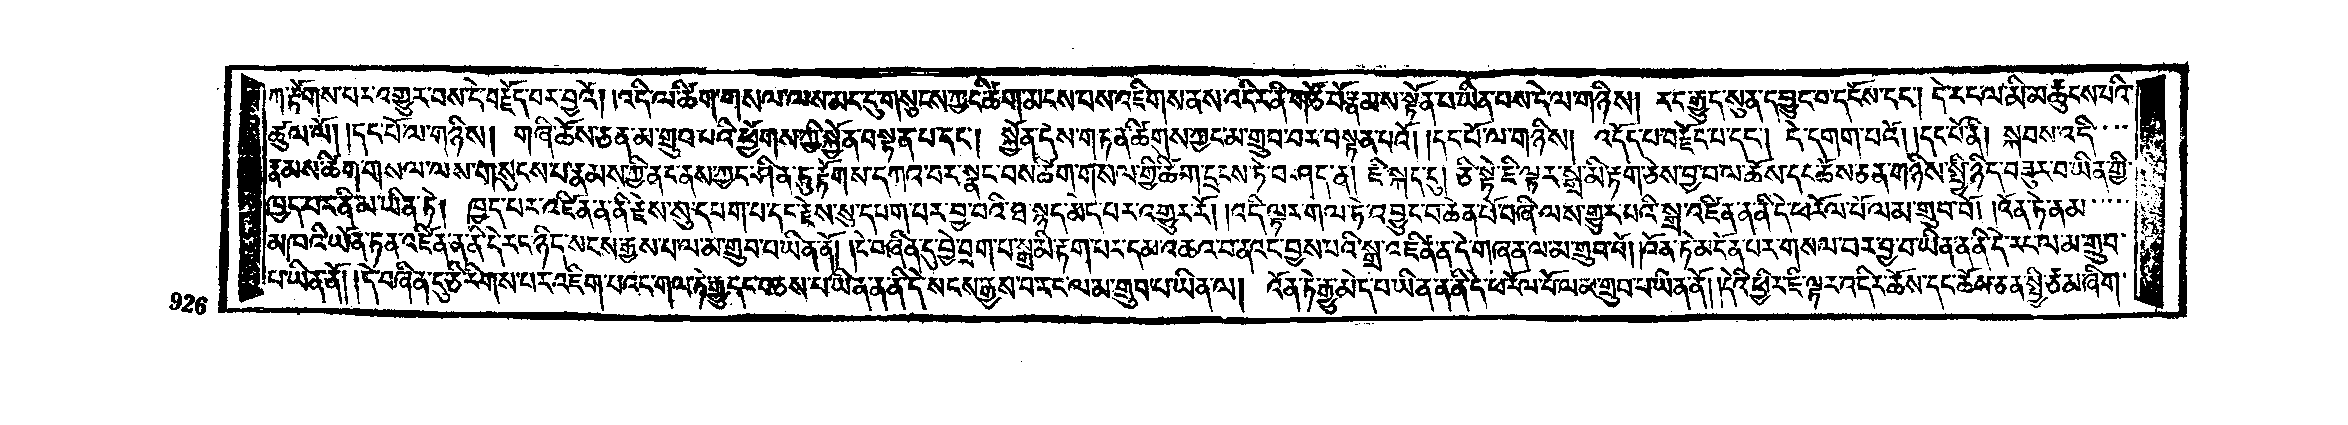ཀ་རྟོགས་པར་འགྱུར་བས་དེ་བརྗོད་པར་བྱའོ། །འདི་ལ་ཚིག་གསལ་ལས་མང་དུ་གསུངས་ཀྱང་ཚིག་མངས་པས་འཇིགས་ནས་འདིར་ནི་གཙོ་བོ་རྣམས་སྟོན་པ་ཡིན་པས་དེ་ལ་གཉིས། རང་རྒྱུད་སུན་དབྱུང་བ་དངོས་དང་། དེ་རང་ལ་མི་མཚུངས་པའི་
ཚུལ་ལོ། །དང་པོ་ལ་གཉིས། གཞི་ཆོས་ཅན་མ་གྲུབ་པའི་ཕྱོགས་ཀྱི་སྐྱོན་བསྟན་པ་དང་། སྐྱོན་དེས་གཏན་ཚིགས་ཀྱང་མ་གྲུབ་པར་བསྟན་པའོ། །དང་པོ་ལ་གཉིས། འདོད་པ་བརྗོད་པ་དང་། དེ་དགག་པའོ། །དང་པོ་ནི། སྐབས་འདི་
རྣམས་ཚིག་གསལ་ལས་གསུངས་པ་རྣམས་ཀྱི་ནང་ནས་ཀྱང་ཤིན་ཏུ་རྟོགས་དཀའ་བར་སྣང་བས་ཚིག་གསལ་གྱི་ཚིག་དྲངས་ཏེ་བཤད་ན། ཇི་སྐད་དུ། ཅི་སྟེ་ཇི་ལྟར་སྒྲ་མི་རྟག་ཅེས་བྱ་བ་ལ་ཆོས་དང་ཆོས་ཅན་གཉིས་སྤྱི་ཉིད་བཟུང་བ་ཡིན་གྱི་
ཁྱད་པར་ནི་མ་ཡིན་ཏེ། ཁྱད་པར་འཛིན་ན་ནི་རྗེས་སུ་དཔག་པ་དང་རྗེས་སུ་དཔག་པར་བྱ་བའི་ཐ་སྙད་མེད་པར་འགྱུར་རོ། །འདི་ལྟར་གལ་ཏེ་འབྱུང་བ་ཆེན་པོ་བཞི་ལས་གྱུར་པའི་སྒྲ་འཛིན་ན་ནི་དེ་ཕ་རོལ་པོ་ལ་མ་གྲུབ་བོ། །འོན་ཏེ་ནམ་
མཁའི་ཡོན་ཏན་འཛིན་ན་ནི་དེ་རང་ཉིད་སངས་རྒྱས་པ་ལ་མ་གྲུབ་པ་ཡིན་ནོ། །དེ་བཞིན་དུ་བྱེ་བྲག་པ་སྒྲ་མི་རྟག་པར་དམ་འཆའ་བ་ནའང་བྱས་པའི་སྒྲ་འཛིན་ན་དེ་གཞན་ལ་མ་གྲུབ་བོ། །འོན་ཏེ་མངོན་པར་གསལ་བར་བྱ་བ་ཡིན་ན་ནི་དེ་རང་ལ་མ་གྲུབ་
པ་ཡིན་ནོ། །དེ་བཞིན་དུ་ཅི་རིགས་པར་འཇིག་པའང་གལ་ཏེ་རྒྱུ་དང་བཅས་པ་ཡིན་ན་ནི་དེ་སངས་རྒྱས་པ་རང་ལ་མ་གྲུབ་པ་ཡིན་ལ། འོན་ཏེ་རྒྱུ་མེད་པ་ཡིན་ན་ནི་དེ་ཕ་རོལ་པོ་ལ་མ་གྲུབ་པ་ཡིན་ནོ། །དེའི་ཕྱིར་ཇི་ལྟར་འདིར་ཆོས་དང་ཆོས་ཅན་སྤྱི་ཙམ་ཞིག་